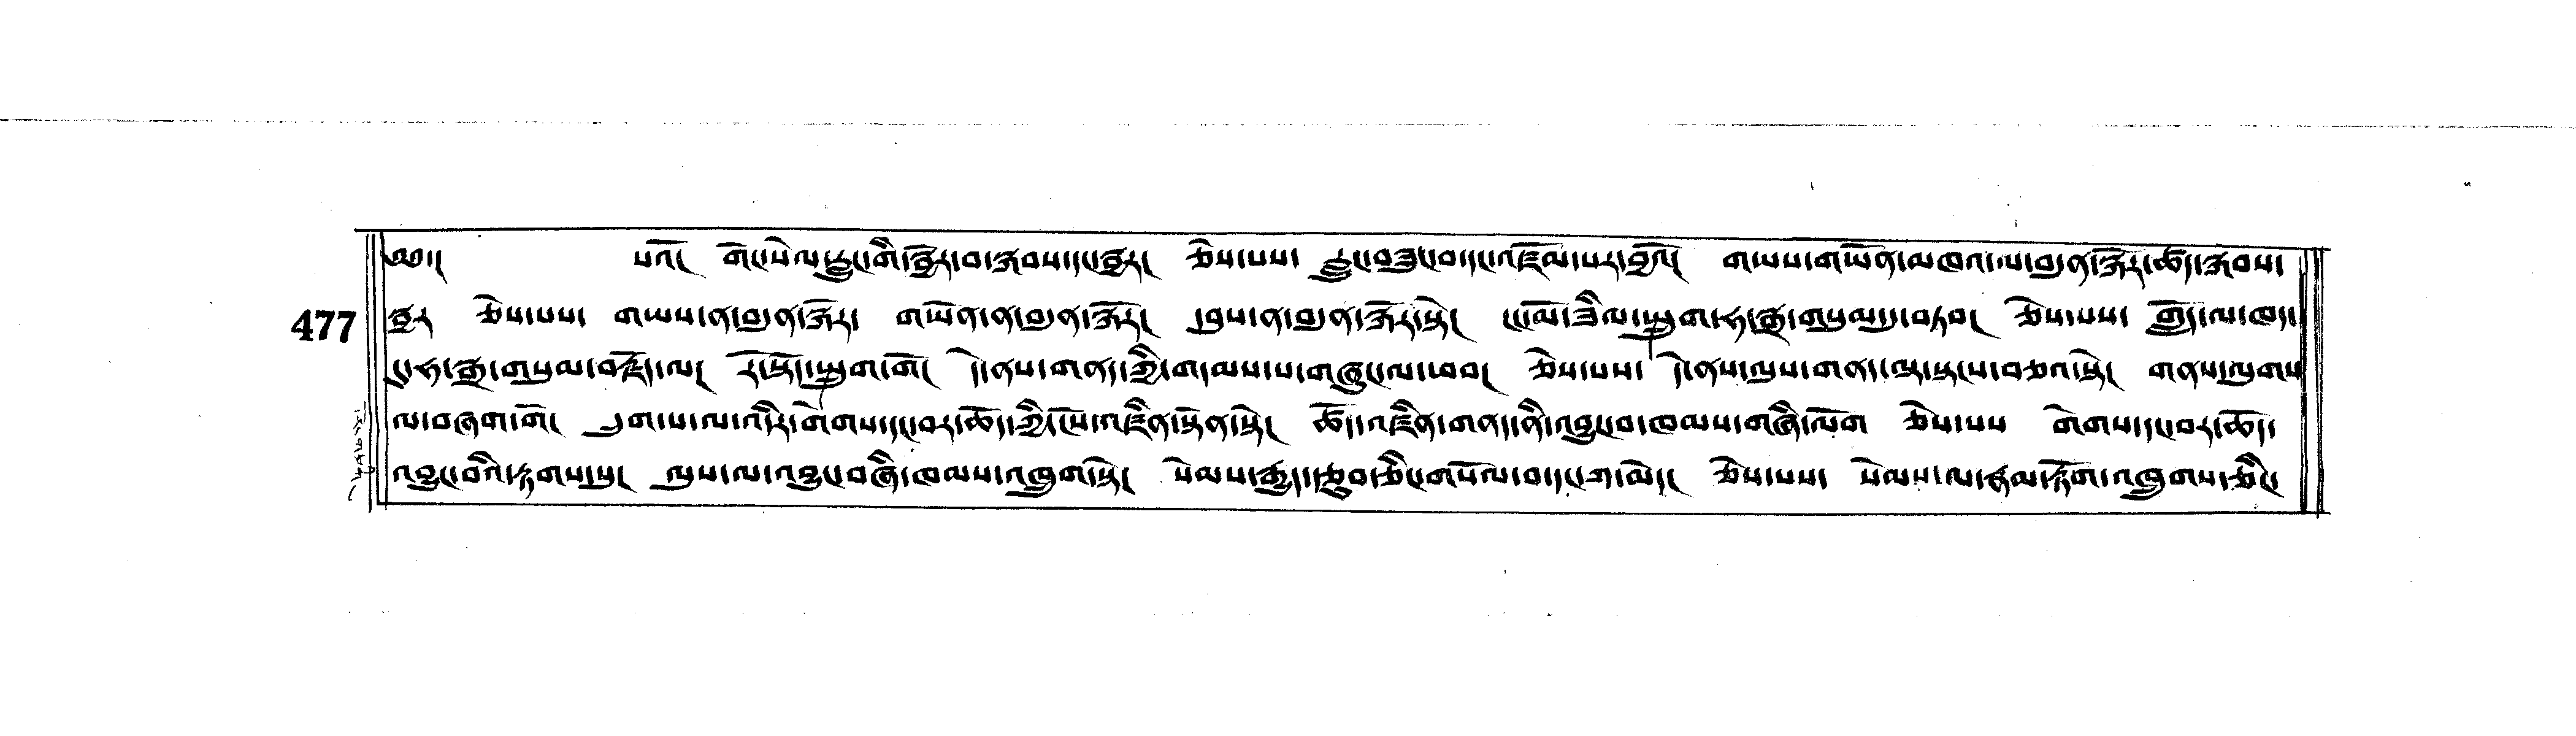པའོ། གོང་སེལ་རླུང་གི་སྦྱོར་བ་སྐབས་དང་སྦྱར། ཅེས་པས། རླུང་བཟུང་བ་དང་འཛོམ་པར་བྱའོ། གཡས་གཡོན་མཁའ་ལ་བདུན་སྐོར་ཚད་སྐབས་
སྦྱར། ཅེས་པས། གཡས་ན་བདུན་བསྐོར། གཡོན་ན་བདུན་བསྐོར། དབུས་ན་བདུན་བསྐོར་ཏེ། ངང་མོ་ཟིལ་སྤྲུག་ཧ་སྒྲ་གསུམ་དུ་བཏབ། ཅེས་པས། གློད་ལ་ཁད་
དུ་ཧ་སྒྲ་གསུམ་བརྗོད་ལ། རོ་སྟོད་སྤྲུག་གོ དེ་ནས་གནད་ཀྱི་གདམས་པ་གཞུང་ལ་ཕབ། ཅེས་པས། དེ་ནས་ལུས་གནད་ལྟ་སྟངས་བཅའ་སྟེ། གནས་ལུགས་
ལ་བཞག་གོ ༧ དྲུག་པ་ལ། འདིར་གེགས་དང་བར་ཆོད་ཀྱི་ངོས་འཛིན་སྟོན་ཏེ། ཚོད་འཛིན་གནད་ནི་འབྱུང་བ་ཁམས་གཞི་ལོག ཅེས་པས། གེགས་དང་བར་ཆོད་
འབྱུང་བའི་རྟགས་སུ། ལུས་ལ་འབྱུང་བཞི་ཁམས་འཁྲུག་སྟེ། ལུས་ལ་འབྱུང་བཞི་ཁམས་འཁྲུག་སྟེ། སེམས་རྒྱུད་རྩུབ་ཅིང་གསོལ་བ་དང་ཀ་མེད། ཅེས་པས། སེམས་ལ་རྣམ་རྟོག་འཁྲུག་ཅིང་